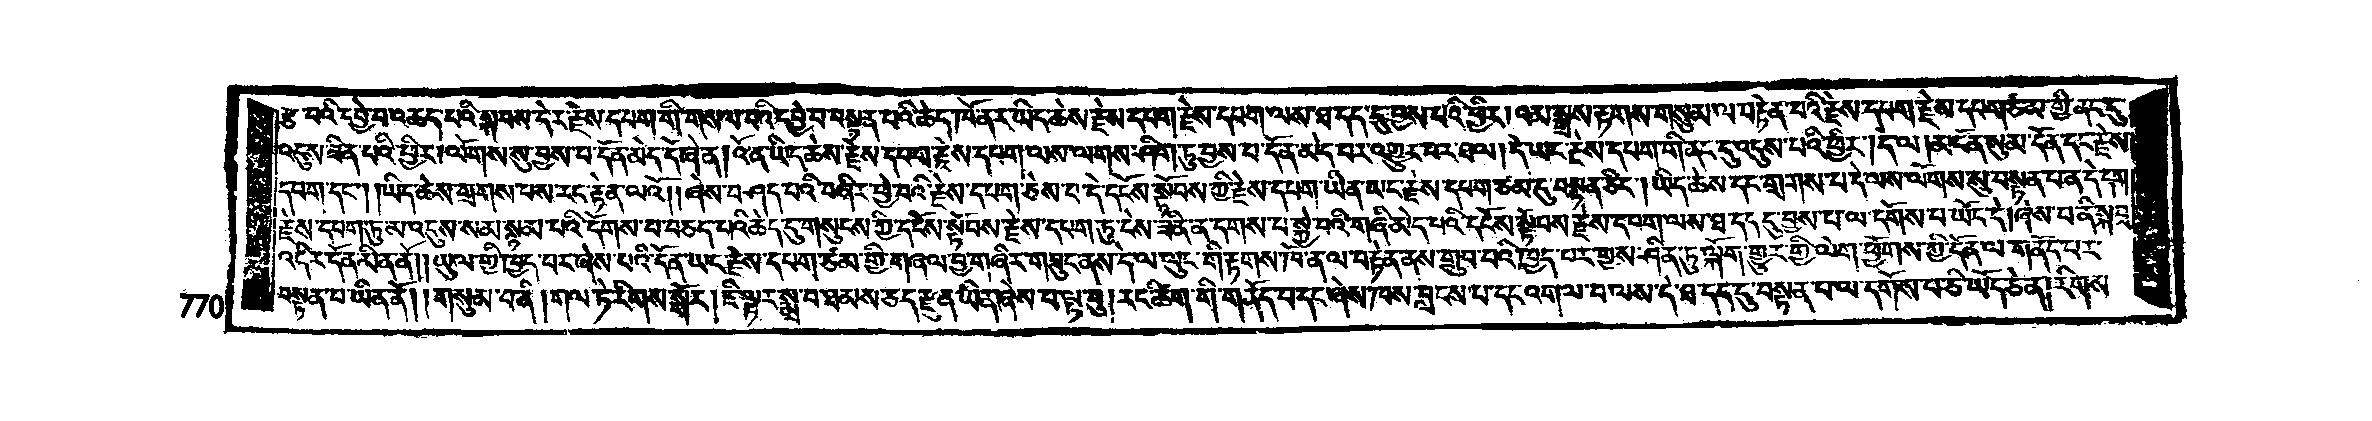རྩ་བའི་དབྱེ་བ་འཆད་པའི་སྐབས་དེར་རྗེས་དཔག་གི་གསལ་བའི་དབྱེ་བ་བསྟན་པའི་ཆེད་ཁོ་ནར་ཡིད་ཆེས་རྗེས་དཔག་རྗེས་དཔག་ལས་ཐ་དད་དུ་བྱས་པའི་ཕྱིར། འམ་སྒྲས་རྟགས་གསུམ་ལ་བརྟེན་པའི་རྗེས་དཔག་རྗེས་དཔག་ཙམ་གྱི་ནང་དུ་
འདུས་ཟིན་པའི་ཕྱིར། ལོགས་སུ་བྱས་པ་དོན་མེད་དོ་ཞེ་ན། འོ་ན་ཡིད་ཆེས་རྗེས་དཔག་རྗེས་དཔག་ལས་ལགས་ཤིག་ཏུ་བྱས་པ་དོན་མེད་པར་འགྱུར་པར་ཐལ། དེ་ཡང་རྗེས་དཔག་གི་ནང་དུ་འདུས་པའི་ཕྱིར། དེ་ལ། མངོན་སུམ་དོན་དང་རྗེས་
དཔག་དང་། །ཡིད་ཆེས་གྲགས་པས་རང་རྟེན་ལའོ། །ཞེས་བཤད་པའི་བཞིར་ཕྱེ་བའི་རྗེས་དཔག་ཅེས་པ་དེ་དངོས་སྟོབས་ཀྱི་རྗེས་དཔག་ཡིན་ཡང་རྗེས་དཔག་ཙམ་དུ་བསྟན་ཅིང་། ཡིད་ཆེས་དང་གྲགས་པ་དེ་ལས་ལོགས་སུ་བསྟན་པ་ན་དེ་དག་
རྗེས་དཔག་ཏུ་མ་འདུས་སམ་སྙམ་པའི་དོགས་པ་བཅད་པའི་ཆེད་དུ་གསུངས་ཀྱི་དངོས་སྟོབས་རྗེས་དཔག་ཏུ་ངེས་ཟིན་ན་དགས་པ་སྐྱེ་བའི་གཞི་མེད་པའི་དངོས་སྟོབས་རྗེས་དཔག་ལས་ཐ་དད་དུ་བྱས་པ་ལ་དགོས་པ་ཡོད་དེ། ཞེས་པ་ནི་སྐབས་
འདིར་དོན་མིན་ན། །ཡུལ་གྱི་ཁྱད་པར་ཞེས་པའི་དོན་ཡང་རྗེས་དཔག་ཙམ་གྱི་གཞལ་བྱ་གཞིར་གཟུང་ནས་དེ་ལ་ལུང་གི་རྟགས་ཁོ་ན་ལ་བརྟེན་ནས་གྲུབ་པའི་ཁྱད་པར་གྱིས་ཤིན་ཏུ་ལྐོག་གྱུར་གྱ་ལོག་ཕྱོགས་ཀྱི་དོན་ལ་གནོད་པར་
བསྟན་པ་ཡིན་ནོ། །གསུམ་པ་ནི། གལ་ཏེ་རིགས་སྒོར། ཇི་ལྟར་སྨྲ་བ་ཐམས་ཅད་རྫུན་ཡིན་ཞེས་པ་ལྟ་བུ། རང་ཚིག་གི་གནོད་པ་དང་ཞེས་ཁས་བླངས་པ་དང་འགལ་བ་ལས་དེ་ཐ་དད་དུ་བསྟན་པ་ལ་དགོས་པ་ཅི་ཡོད་ཅེ་ན། རིགས་